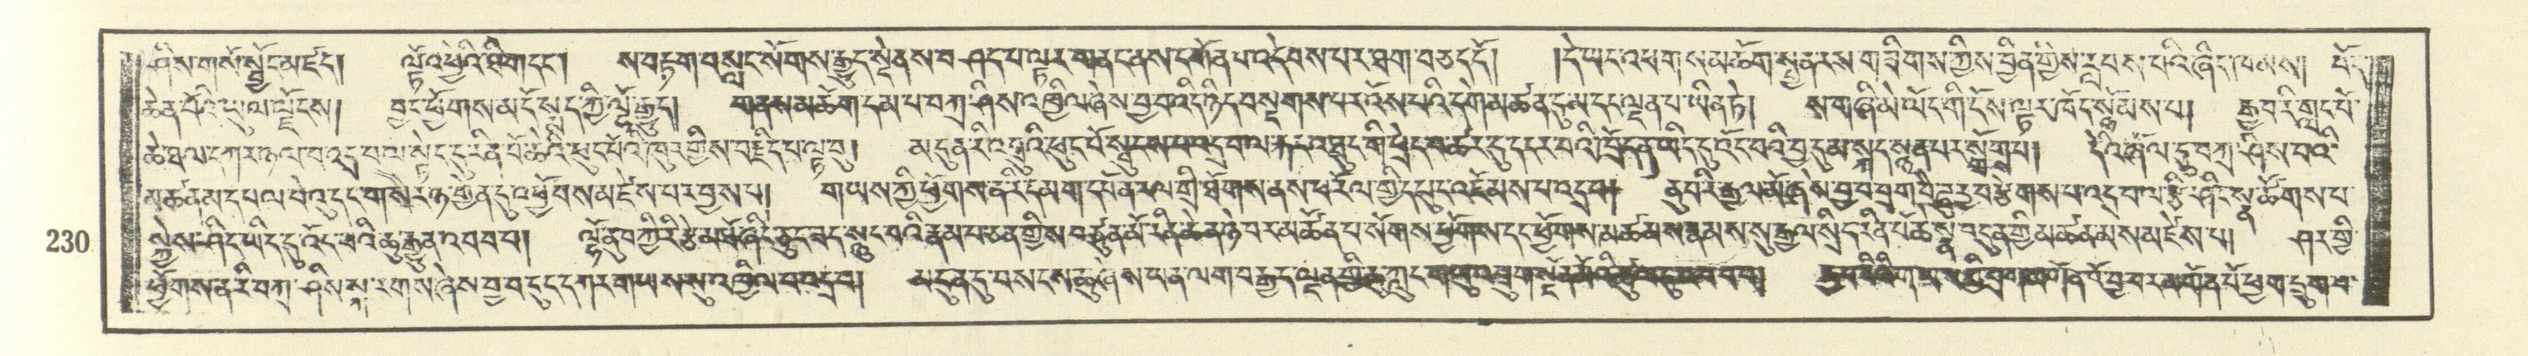ཤིས་གསོ་སྦྱོང་མཛད། ལྟོ་འཕྱེའི་ཐིག་དང་། ས་བརྟག་བསླང་སོགས་རྒྱུད་སྡེ་ནས་བཤད་པ་ལྟར་གནང་ནས་དགོན་པ་འདེབས་པར་ཐག་བཅད་དོ། །དེ་ཡང་འཕགས་མཆོག་སྤྱན་རས་གཟིགས་ཀྱིས་བྱིན་གྱིས་རླབས་པའི་ཞིང་ཁམས། བོད་
ཆེན་པོའི་ཡུལ་ལྗོངས། བྱང་ཕྱོགས་མདོ་སྨད་ཀྱི་ལྷོ་རྒྱུད། གནས་མཆོག་དམ་པ་བཀྲ་ཤིས་འཁྱིལ་ཞེས་བྱ་བ་འདི་ཉིད་བསྔགས་པར་འོས་པའི་དགེ་མཚན་དུ་མ་དང་ལྡན་པ་ཡིན་ཏེ། ས་གཞི་མེ་ལོང་གི་ངོས་ལྟར་ཁོང་སྙོམས་པ། རྒྱ་བ་རི་གླང་པོ་
ཆེ་ཐལ་དཀར་ཉལ་པ་འདྲ་བ་ལ་སྟེང་དུ་རིན་པོ་ཆེའི་ཕུང་པོའི་ཁུར་གྱིས་བརྗིད་པ་ལྟ་བུ། མདུན་རི་འབྲུའི་ཕུང་པོ་སྤུངས་པ་འདྲ་བ་ལ་རྐང་འཐུང་གི་ཕྲེང་བ་ཚར་དུ་དངར་བའི་ཁྲོད་ན་ཡིད་དུ་འོང་བའི་བྱ་དུ་མ་སྐད་སྙན་པར་སྒྲོགས་པ། དེའི་ཞོལ་དུ་བཀྲ་ཤིས་པའི་
མཚན་མ་དཔལ་པེའུ་དང་གསེར་ཉ་གྱེན་དུ་འཕྱོབས་མཛེས་པར་བྱས་པ། གཡས་ཀྱི་ཕྱོགས་ན་རི་དམག་དཔོན་རལ་གྲི་ཐོགས་ནས་ཕ་རོལ་གྱི་དཔུང་འཇོམས་པ་འདྲ་བ། ནུབ་རི་རྒྱལ་མོ་ཞེས་བྱ་བ་བྲག་བཻ་ཌཱུརྱ་བརྩེགས་པ་འདྲ་བ་ལ་རྩི་ཤིང་སྣ་ཚོགས་པ་
སྐྱེས་ཤིང་ཡིད་དུ་འོང་པའི་ཆུ་རྒྱུན་འབབ་པ། ལྷོ་ནུབ་ཀྱི་རི་རྩེ་མཐོ་ཞིང་ཅུང་ཟད་སྙུང་བའི་རྣམ་བ་ཅན་གྱིས་བཙུན་མོ་རིན་ཆེན་ཉེ་བར་མཚོན་པ་སོགས་ཕྱོགས་དང་ཕྱོགས་མཚམས་རྣམས་སུ་རྒྱལ་སྲིད་རིན་པོ་ཆེ་སྣ་བདུན་གྱི་མཚན་མས་མཛེས་པ། ཤར་གྱི་
ཕྱོགས་ན་རི་བཀྲ་ཤིས་སྐ་རགས་ཞེས་བྱ་བ་དུད་དཀར་གཡས་སུ་འཁྱིལ་བ་འདྲ་བ། མདུན་དུ་བསངས་ཆུ་ཞེས་ཡན་ལག་བརྒྱད་ལྡན་གྱི་ཆུ་ཀླུང་གཡུ་འཕྲུག་སྔོན་མོའི་ཚུལ་དུ་འབབ་པ། རྒྱ་པ་རིའི་གཡས་ཀྱི་བྲག་མགོན་པོ་བྱ་བར་མགོན་པོ་ཕྱག་དྲུག་པ་